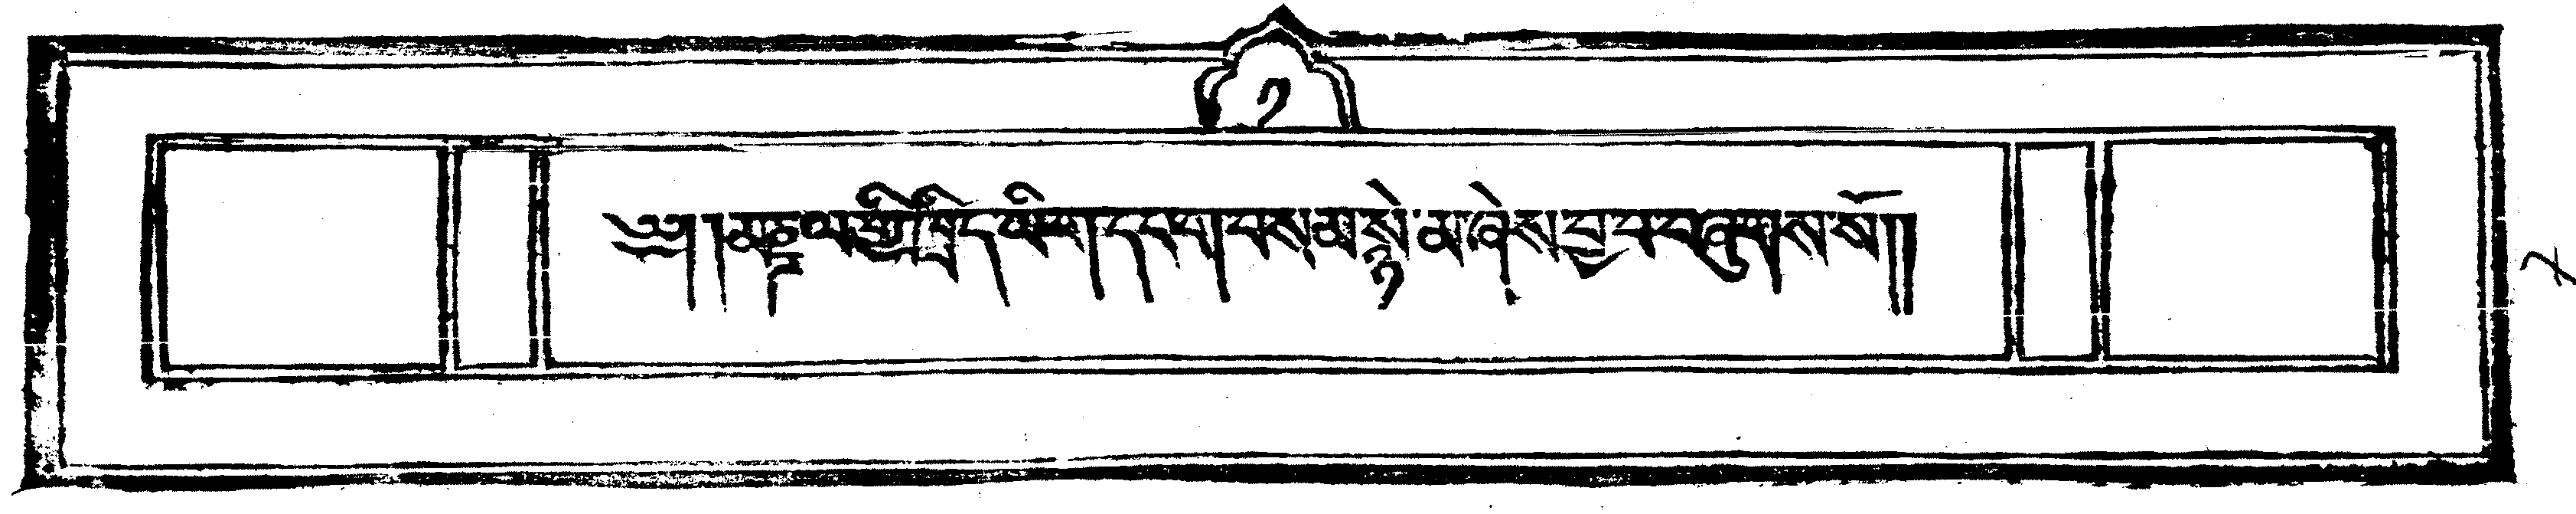༄༅། །མཎྜལ་གྱི་ཁྲིད་ཡིག་དཔག་བསམ་སྙེ་མ་ཞེས་བྱ་བ་བཞུགས་སོ།།